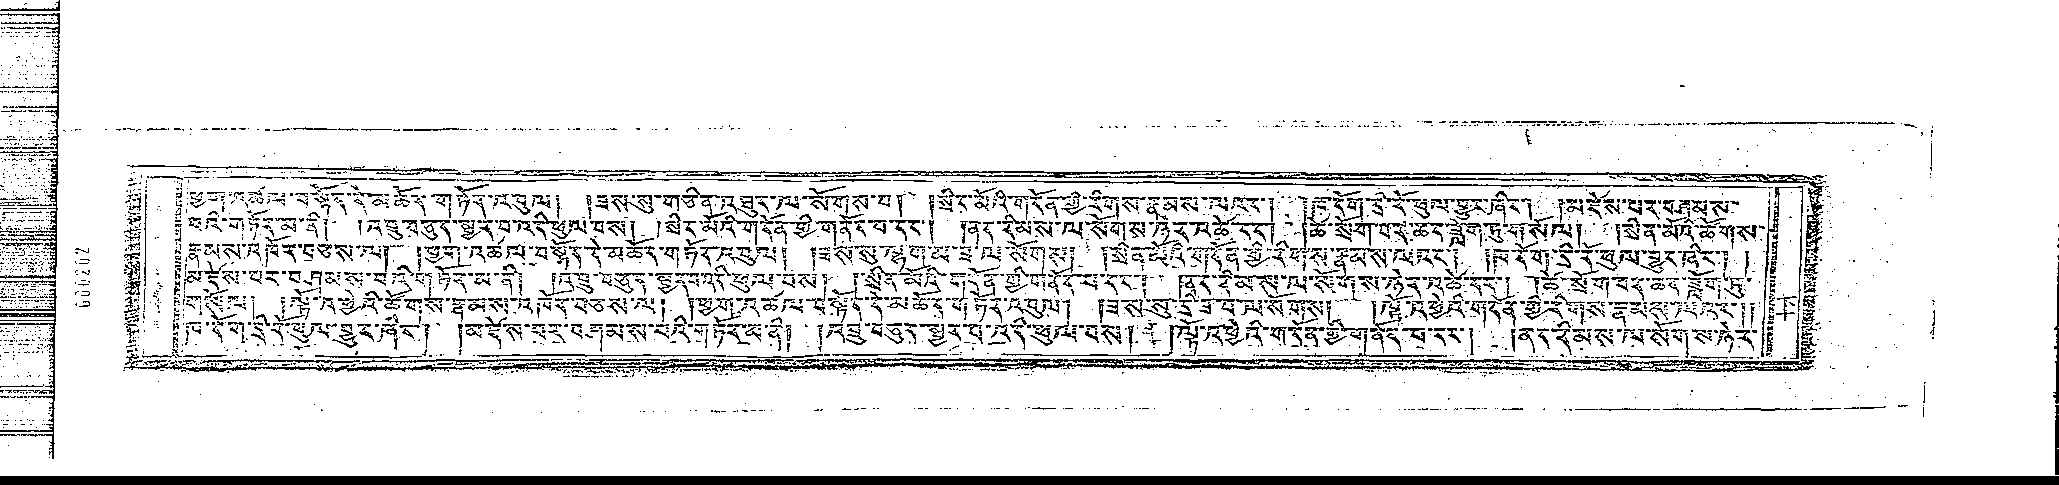ཕྱག་འཚལ་བསྟོད་དེ་མཆོད་གཏོར་འབུལ། །ཟས་སུ་གཅིན་འཐུང་ལ་སོགས་པ། །སྲིད་མོའི་གདོན་གྱི་རིགས་རྣམས་ལའང་། །ཁ་དོག་དྲི་རོ་ཕུལ་བྱུང་ཞིང་། །མཛེས་པར་བཤམས་
པའི་གཏོར་མ་ནི། །འབྲུ་བཅུད་སྦྱར་བ་འདི་ཕུལ་བས། །སྲིད་མོའི་གདོན་གྱི་གནོད་པ་དང་། །ནད་རིམས་ལ་སོགས་ཉེར་འཚེ་དང་། །ཚེ་སྲོག་བར་ཆད་ཟློག་ཏུ་གསོལ། །སྲིན་མོའི་ཚོགས་
རྣམས་འཁོར་བཅས་ལ། །ཕྱག་འཚལ་བསྟོད་དེ་མཆོད་གཏོར་འབུལ། །ཟས་སུ་ལྷག་མ་ཟ་ལ་སོགས། །སྲིན་མོའི་གདོན་གྱི་རིགས་རྣམས་ལའང་། །ཁ་དོག་དྲི་རོ་ཕུལ་བྱུང་ཞིང་། །
མཛེས་པར་བཤམས་པའི་གཏོར་མ་ནི། །འབྲུ་བཅུད་སྦྱར་བ་འདི་ཕུལ་བས། །སྲིན་མོའི་གདོན་གྱི་གནོད་པ་དང་། །ནང་རིམས་ལ་སོགས་ཉེར་འཚེ་དང་། །ཚེ་སྲོག་བར་ཆད་ཟློག་ཏུ་
གསོལ། །ལྟོ་འབྱེའི་ཚོགས་རྣམས་འཁོར་བཅས་ལ། །ཕྱག་འཚལ་བསྟོད་དེ་མཆོད་གཏོར་འབུལ། །ཟས་སུ་དྲི་ཟ་བ་ལ་སོགས། །ལྟོ་འཕྱེའི་གདོན་གྱི་རིགས་རྣམས་ལའང་། །
ཁ་དོག་དྲི་རོ་ཕུལ་བྱུང་ཞིང་། །མཛེས་པར་བཤམས་པའི་གཏོར་མ་ནི། །འབྲུ་བཅུད་སྦྱར་བ་འདི་ཕུལ་བས། །ལྟོ་འཕྱེ་ཞི་གདོན་གྱི་གནོད་པ་དང་། །ནང་རིམས་ལ་སོགས་ཉེར་